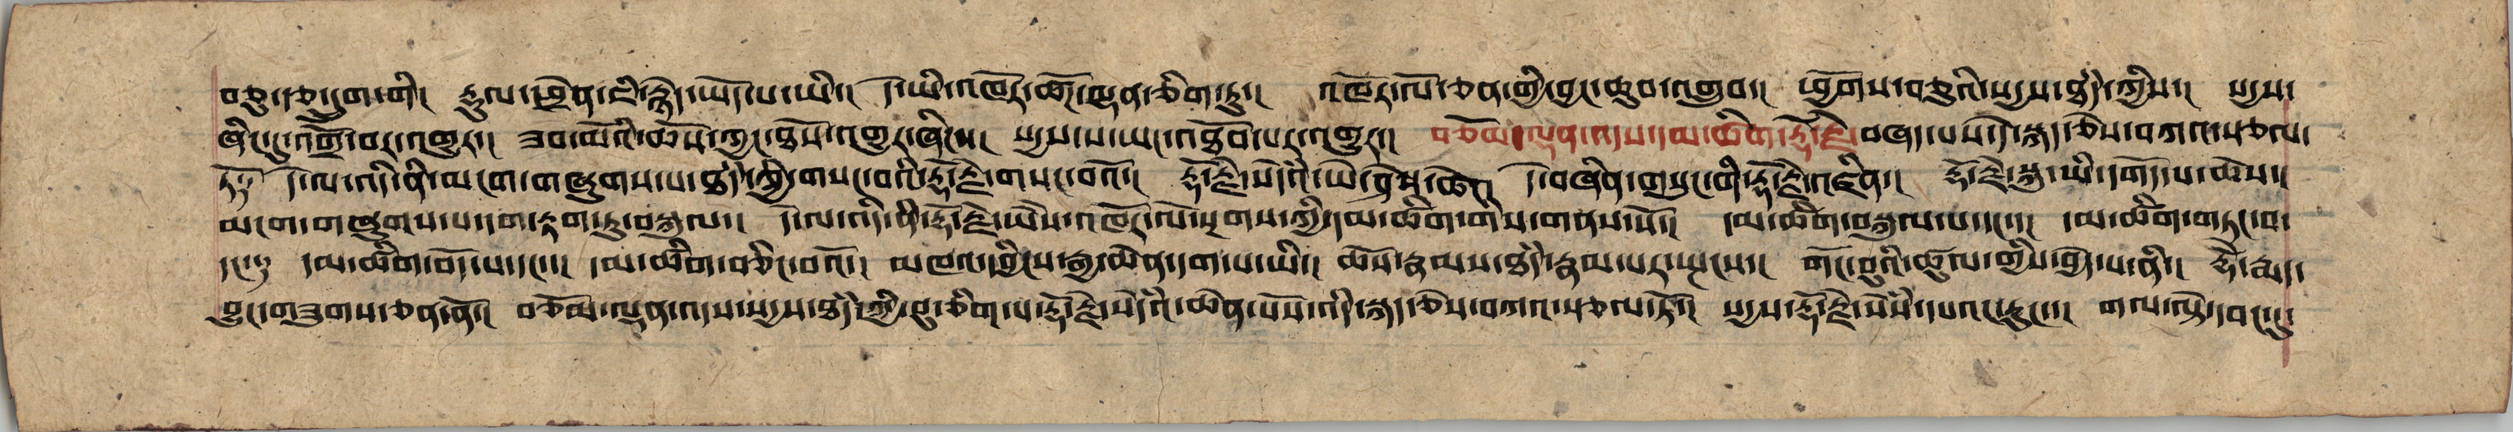བཅུ་རྩ་དྲུག་གི། རྡུལ་ཕྲེན་ཇི་རྙེད་ཡོད་པ་ཡི་། དེ་ཡི་འཁོར་ཚོཌ་ལྷན་ཅིག་ཏུ་། འཁོར་ལོ་ཅན་གྱི་བྱང་ཆུབ་འགྲུབ་། ཕྱོགས་བཅུའི་སདྱས་ཐདཾ་ཀྱིས་། སདྱས་
ཞིང་དུ་འགྲོ་བར་འགྱུར་། ཟབ་མོའི་ཆོས་ཀྱང་ཐོས་འགྱུར་ཞིང་་། སདྱས་ས་ཡང་འཐོབ་པར་འགྱུར་། བཅོམ་ལྡན་འདས་དམ་ཚིག་རྡོ་རྗེ་བཞད་པས་དེ་སྐད་ཅེས་བཀའ་སྩལ་
ཏོ༑ དེ་ལ་འདི་ནི་མངག་གཞུགས་པ་ཐདཾ་ཀྱི་གསང་བའི་རྡོ་རྗེ་གསང་བའོ་། རྡོ་རྗེ་སེདཾའ་ཡེ་ཤེས་ཆེ་། དེ་བཞིན་གསུང་གི་རྡོ་རྗེ་འཛིན་། རྡོ་རྗེ་སྐུ་ཡི་དགོད་པ་ཆེས་།
མངག་གཞུགས་པ་དག་རྟག་ཏུ་བསྐུལ་། དེ་ལ་འདི་ནི་རྡོ་རྗེ་ཡཻས་འཁོར་ལོ་སྔགས་ཀྱི་དམ་ཚིག་གིས་གནས་སོ་། དམ་ཚིག་བསྐུལ་པ་དང་་། དམ་ཚིག་གཏང་བ་
དང་༑ དམ་ཚིག་བདོ་པ་དང་་། དམ་ཚིག་བཅིང་བའོ་། མཁའ་དབྱིངས་རྒྱ་ཆེན་དག་པ་ཡི་། ཆོས་རྣམས་ཐདཾ་རྣམ་པར་སྤངས་། གོང་བུའི་ཚུལ་གྱིས་བྱེད་པ་ནི་། རྡོེ་རྨད་
བྱུང་གཟུགས་ཅན་ནོ་། བཅོམ་ལྡན་འདས་སདྱས་ཐདཾ་ཀྱི་བུ་ཅིག་པ་རྡོ་རྗེ་སེདཾའ་ཆེན་པོས་འདི་སྐད་ཅེས་བཀའ་སྩལ་ཏོ་། སདྱས་རྡོ་རྗེ་སེཾས་དཔའ་རུང་་། གལ་ལྟེ་དབང་ངུ་